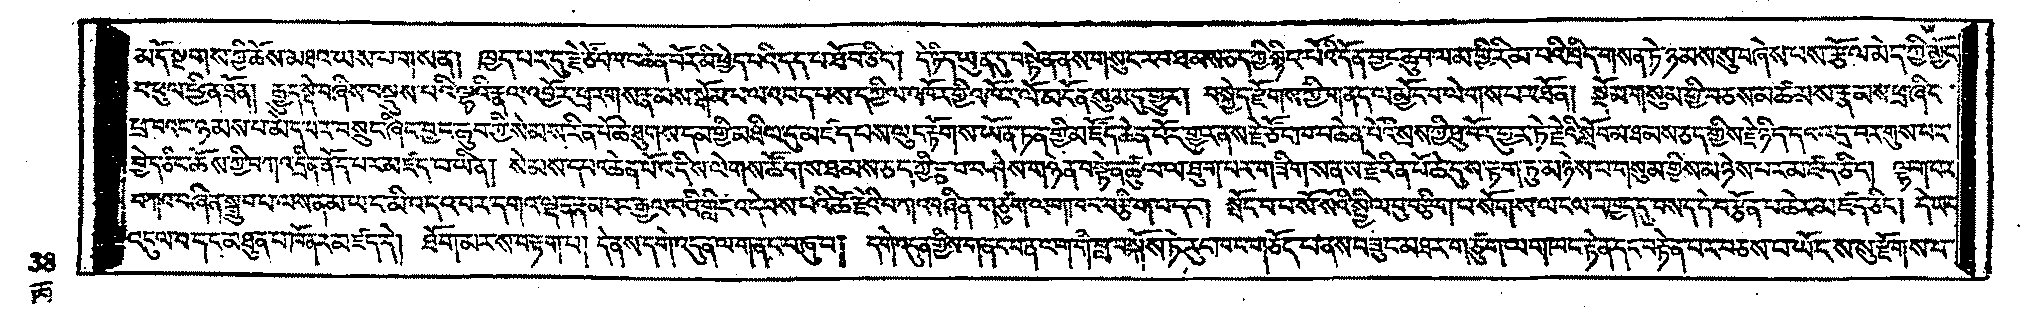མདོ་སྔགས་ཀྱི་ཆོས་མཐའ་ཡས་པ་གསན། ཁྱད་པར་དུ་རྗེ་ཙོང་ཁ་པ་ཆེན་པོར་མི་ཕྱེད་པའི་དད་པ་ཐོབ་ཅིང་། དེ་ཉིད་ཡུན་དུ་བསྟེན་ནས་གསུང་རབ་ཐམས་ཅད་ཀྱི་སྙིང་པོའི་དོན་བྱང་ཆུབ་ལམ་གྱི་རིམ་པའི་ཁྲིད་གསན་ཏེ་ཉམས་སུ་བཞེས་པས་རྩོལ་མེད་ཀྱི་མྱོང་
བ་ཕུལ་ཕྱིན་ཐོན། རྒྱུད་སྡེ་བཞིས་བསྡུས་པའི་ལྷའི་རྣལ་འབྱོར་ཕྲ་རགས་རྣམས་སྒོམ་པ་ལ་འབད་པས་དཀྱིལ་འཁོར་གྱི་འཁོར་ལོ་མངོན་སུམ་དུ་གྱུར། བསྐྱེད་རྫོགས་ཀྱི་གནད་ལ་མྱོང་བ་ལེགས་པར་ཐོན། སྡོམ་གསུམ་གྱི་བཅས་མཚམས་རྣམས་ཕྲ་ཞིང་
ཕྲ་བའང་ཉམས་པ་མེད་པར་བསྲུང་ཞིང་བྱང་ཆུབ་ཀྱི་སེམས་རིན་པོ་ཆེ་ཐུགས་དམ་གྱི་མཐིལ་དུ་མཛད་པས་ལུང་རྟོགས་ཡོན་ཏན་གྱི་མཛོད་ཆེན་པོར་གྱུར་ནས་རྗེ་ཙོང་ཁ་པ་ཆེན་པོའི་སྲས་ཀྱི་ཐུ་བོར་གྱུར་ཏེ་རྗེའི་སློབ་མ་ཐམས་ཅད་ཀྱིས་རྗེ་ཉིད་དང་འདྲ་བར་གུས་པར་
བྱེད་ཅིང་ཆོས་ཀྱི་བཀའ་དྲིན་ནོད་པར་མཛད་པ་ཡིན། སེམས་དཔའ་ཆེན་པོ་འདིས་ལེགས་ཚོགས་ཐམས་ཅད་ཀྱི་རྩ་བ་བཤེས་གཉེན་བསྟེན་ཚུལ་ལ་ཐུག་པར་གཟིགས་ནས་རྗེ་རིན་པོ་ཆེ་དུས་རྟག་ཏུ་མཉེས་པ་གསུམ་གྱིས་མཉེས་པར་མཛད་ཅིང་། ལྷག་པར་
བཀའ་བཞིན་སྒྲུབ་པ་ལས་ནམ་ཡང་མི་འདའ་བར་དགའ་ལྡན་རྣམ་པར་རྒྱལ་བའི་གླིང་འདེབས་པའི་ཚེ་རྗེའི་བཀའ་བཞིན་གཙུག་ལག་ཁང་བརྩིག་པ་དང་། སྤོང་བ་པ་སོ་སོའི་སྤྱིལ་བུ་བརྩིག་པ་སོགས་ལ་ངལ་བ་ཁྱད་དུ་བསད་དེ་བརྩོན་པ་ཆེར་མཛད་ཅིང་། དེ་ཡང་
འདུལ་བ་དང་མཐུན་པ་ཁོ་ནར་མཛད་དེ། ཐོག་མར་ས་བརྟག་པ། དེ་ནས་དགེ་འདུན་ལ་གནང་བ་ཞུ་བ། དགེ་འདུན་གྱིས་གནང་བ་ན་ལག་གི་བླ་བསྐོས་ཏེ་རུང་ཁང་གཅོད་པ་ནས་བཟུང་མཐར་གཙུག་ལག་ཁང་རྟེན་དང་བརྟེན་པར་བཅས་པ་ཡོངས་སུ་རྫོགས་པ་